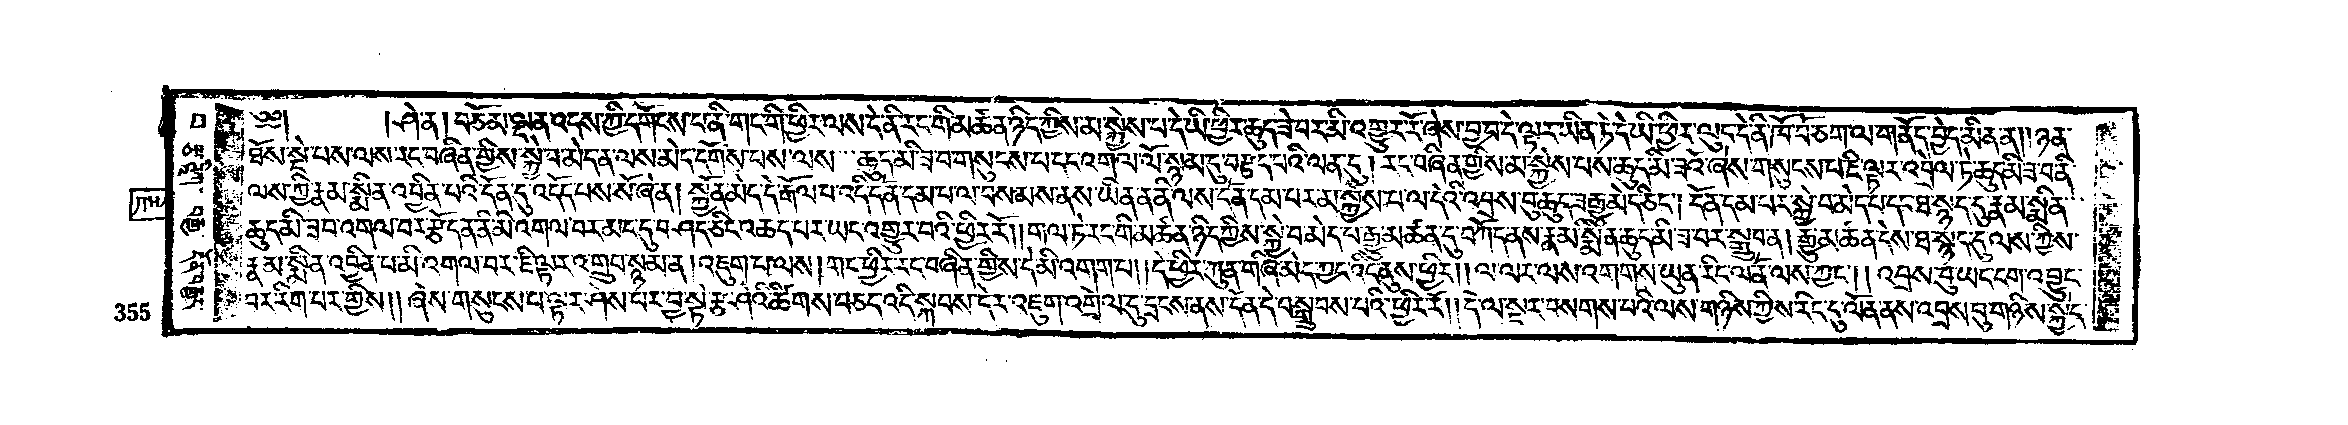༄༅། །ཤེ་ན། བཅོམ་ལྡན་འདས་ཀྱི་དགོངས་པ་ནི་གང་གི་ཕྱིར་ལས་དེ་ནི་རང་གི་མཚན་ཉིད་ཀྱིས་མ་སྐྱེས་པ་ད་ཡི་ཕྱིར་ཆུད་ཟ་བར་མི་འགྱུར་རོ་ཞེས་བྱ་བ་དེ་ལྟར་ཡིན་ཏེ་དེ་ཡི་ཕྱིར་ལུང་དེ་ནི་ཁོ་བོ་ཅག་ལ་གནོད་བྱེད་མིན་ན། །ཉན་
ཐོས་སྡེ་པས་ལས་རང་བཞིན་གྱིས་སྐྱེ་བ་མེད་ན་ལས་མེད་དགོས་པས་ལས་ཆུད་མི་ཟ་བ་གསུངས་པ་དང་འགལ་ལོ་སྙམ་དུ་བརྩད་པའི་ལན་དུ། རང་བཞིན་གྱིས་མ་སྐྱེས་པས་ཆུད་མི་ཟའོ་ཞེས་གསུངས་པ་ཇི་ལྟར་འབྲེལ་ཏེ་ཆུད་མི་ཟ་བ་ནི་
ལས་ཀྱི་རྣམ་སྨིན་འབྱིན་པའི་དོན་དུ་འདོད་པས་སོ་ཞེ་ན། སྐྱོན་མེད་དེ་རྒོལ་པ་འདི་དོན་དམ་པ་ལ་བསམས་ནས་ཡིན་ན་ནི་ལས་དོན་དམ་པར་མ་སྐྱེས་པ་ལ་དེའི་འབྲས་བུ་ཆུད་ཟ་རྒྱུ་མེད་ཅིང་། དོན་དམ་པར་སྐྱེ་བ་མེད་པ་དང་ཐ་སྙད་དུ་རྣམ་སྨིན་
ཆུད་མི་ཟ་བ་འགལ་བར་རྩོད་ན་ནི་མི་འགལ་བར་མང་དུ་བཤད་ཅིང་འཆད་པར་ཡང་འགྱུར་བའི་ཕྱིར་རོ། །གལ་ཏེ་རང་གི་མཚན་ཉིད་ཀྱིས་སྐྱེ་བ་མེད་པ་རྒྱུ་མཚན་དུ་བཀོད་ནས་རྣམ་སྨིན་ཆུད་མི་ཟ་བར་སྒྲུབ་ན། རྒྱུ་མཚན་དེས་ཐ་སྙད་དུ་ལས་ཀྱིས་
རྣམ་སྨིན་འབྱིན་པ་མི་འགལ་བར་ཇི་ལྟར་འགྲུབ་སྙམ་ན། འཇུག་པ་ལས། གང་ཕྱིར་རང་བཞིན་གྱིས་དེ་མི་འགག་པ། །དེ་ཕྱིར་ཀུན་གཞི་མེད་ཀྱང་འདི་ནུས་ཕྱིར། །ལ་ལར་ལས་འགགས་ཡུན་རིང་ལོན་ལས་ཀྱང་། །འབྲས་བུ་ཡང་དག་འབྱུང་
བར་རིག་པར་གྱིས། །ཞེས་གསུངས་པ་ལྟར་ཤེས་པར་བྱ་སྟེ་རྩ་ཤེའི་ཚིགས་བཅད་འདི་སྐབས་དེར་འཇུག་འགྲེལ་དུ་དྲངས་ནས་དོན་དེ་བསྒྲུབས་པའི་ཕྱིར་རོ། །དེ་ལ་སྔར་བསགས་པའི་ལས་གཉིས་ཀྱིས་རིང་དུ་ལོན་ནས་འབྲས་བུ་གཉིས་སྐྱེད་